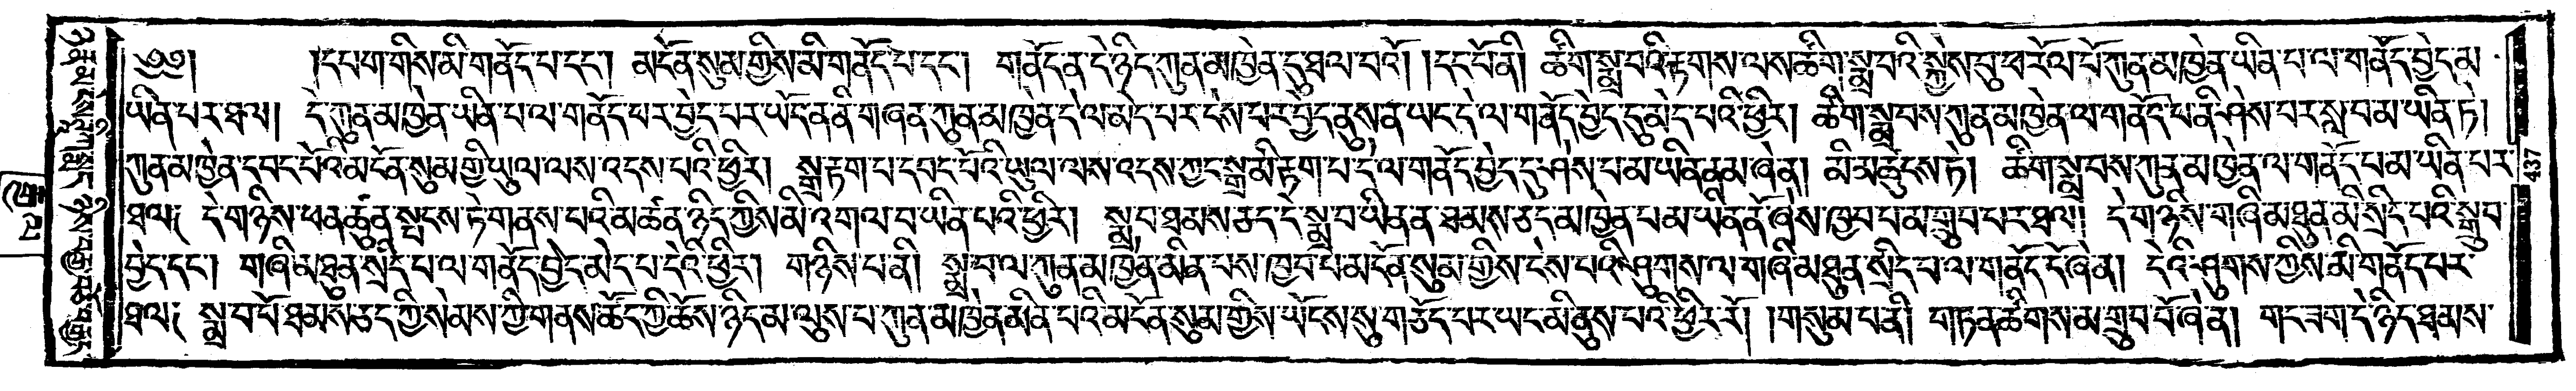༄༅། །དཔག་གིས་མི་གནོད་པ་དང་། མངོན་སུམ་གྱིས་མི་གནོད་པ་དང་། གནོད་ན་དེ་ཉིད་ཀུན་མཁྱེན་དུ་ཐལ་བའོ། །དང་པོ་ནི། ཚིག་སྨྲ་བའི་རྟགས་ལས་ཚིག་སྨྲ་བའི་སྐྱེས་བུ་ཕ་རོལ་པོ་ཀུན་མཁྱེན་ཡིན་པ་ལ་གནོད་བྱེད་མ་
ཡིན་པར་ཐལ། དེ་ཀུན་མཁྱེན་ཡིན་པ་ལ་གནོད་པར་བྱེད་པར་ཡོད་ན་ནི་གཞན་ཀུན་མཁྱེན་དེ་ལ་མེད་པར་ངེས་པར་བྱེད་ནུས་ན་ཡང་དེ་ལ་གནོད་བྱེད་དུ་མེད་པའི་ཕྱིར། ཚིག་སྨྲ་བས་ཀུན་མཁྱེན་ལ་གནོད་པ་ནི་ཤེས་པར་སླ་བ་མ་ཡིན་ཏེ།
ཀུན་མཁྱེན་དབང་པོའི་མངོན་སུམ་གྱི་ཡུལ་ལས་འདས་པའི་ཕྱིར། སྒྲ་རྟག་པ་དབང་པོའི་ཡུལ་ལས་འདས་ཀྱང་སྒྲ་མི་རྟག་པ་དེ་ལ་གནོད་བྱེད་དུ་ཤེས་པ་མ་ཡིན་ནམ་ཞེ་ན། མི་མཚུངས་ཏེ། ཚིག་སྨྲ་བས་ཀུན་མཁྱེན་ལ་གནོད་པ་མ་ཡིན་པར་
ཐལ༑ དེ་གཉིས་ཕན་ཚུན་སྤངས་ཏེ་གནས་པའི་མཚན་ཉིད་ཀྱིས་མི་འགལ་བ་ཡིན་པའི་ཕྱིར། སྨྲ་བ་ཐམས་ཅད་དེ་སྨྲ་བ་ཡིན་ན་ཐམས་ཅད་མཁྱེན་པ་མ་ཡིན་ནོ་ཞེས་ཁྱབ་པ་མ་གྲུབ་པར་ཐལ། དེ་གཉིས་གཞི་མཐུན་མི་སྲིད་པའི་སྒྲུབ་
བྱེད་དང་། གཞི་མཐུན་སྲིད་པ་ལ་གནོད་བྱེད་མེད་པ་དེའི་ཕྱིར། གཉིས་པ་ནི། སྨྲ་བ་ལ་ཀུན་མཁྱེན་མིན་པས་ཁྱབ་པ་མངོན་སུམ་གྱིས་ངེས་པའི་ཤུགས་ལ་གཞི་མཐུན་སྲིད་པ་ལ་གནོད་དོ་ཞེ་ན། དེའི་ཤུགས་ཀྱིས་མི་གནོད་པར་
ཐལ༑ སྨྲ་བ་པོ་ཐམས་ཅད་ཀྱི་སེམས་ཀྱི་གནས་ཚོད་ཀྱི་ཆོས་ཉིད་མ་ལུས་པ་ཀུན་མཁྱེན་མིན་པའི་མངོན་སུམ་གྱིས་ཡོངས་སུ་གཅོད་པར་ཡང་མི་ནུས་པའི་ཕྱིར་རོ། །གསུམ་པ་ནི། གཏན་ཚིགས་མ་གྲུབ་བོ་ཞེ་ན། གང་ཟག་དེ་ཉིད་ཐམས་